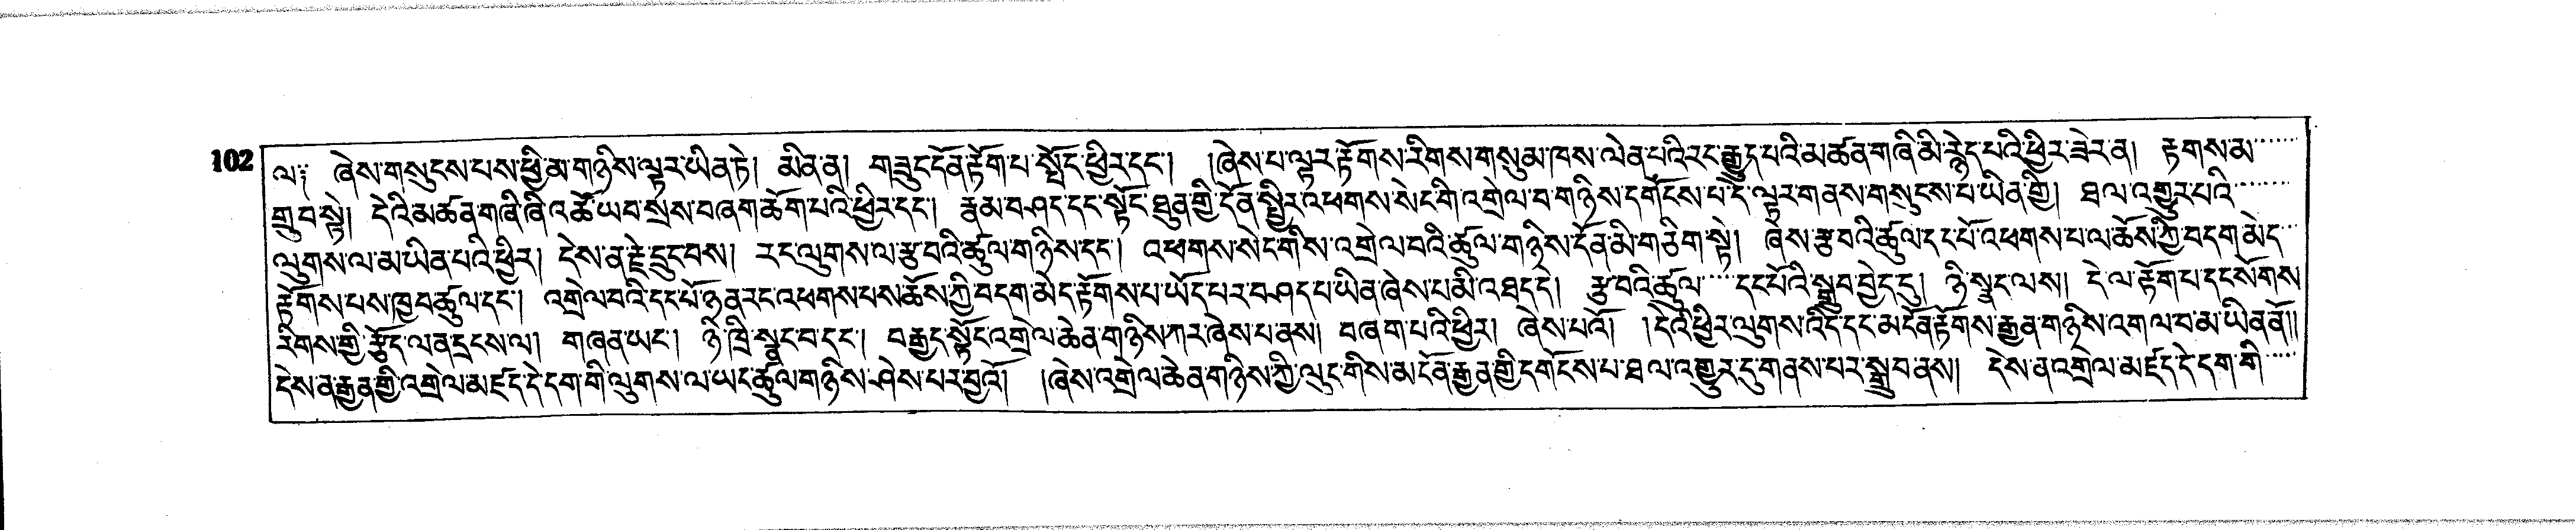ལ། ཞེས་གསུངས་པས་ཕྱི་མ་གཉིས་ལྟར་ཡིན་ཏེ། མིན་ན། གཟུང་དོན་རྟོག་པ་སྤོང་ཕྱིར་དང་། །ཞེས་པ་ལྟར་རྟོགས་རིགས་གསུམ་ཁས་ལེན་པའི་རང་རྒྱུད་པའི་མཚན་གཞི་མི་རྙེད་པའི་ཕྱིར་ཟེར་ན། རྟགས་མ་
གྲུབ་སྟེ། དེའི་མཚན་གཞི་ཞི་འཚོ་ཡབ་སྲས་བཞག་ཆོག་པའི་ཕྱིར་དང་། རྣམ་བཤད་དང་སྟོང་ཐུན་གྱི་དོན་སྤྱིར་འཕགས་སེང་གི་འགྲེལ་བ་གཉིས་དགོངས་པ་དེ་ལྟར་གནས་གསུངས་པ་ཡིན་གྱི། ཐལ་འགྱུར་པའི་
ལུགས་ལ་མ་ཡིན་པའི་ཕྱིར། དེས་ན་རྗེ་དྲུང་བས། རང་ལུགས་ལ་རྩ་བའི་ཚུལ་གཉིས་དང་། འཕགས་སེང་གིས་འགྲེལ་བའི་ཚུལ་གཉིས་དོན་མི་གཅིག་སྟེ། ཞེས་རྩ་བའི་ཚུལ་དང་པོ་འཕགས་པ་ལ་ཆོས་ཀྱི་བདག་མེད་
རྟོགས་པས་ཁྱབ་ཚུལ་དང་། འགྲེལ་བའི་དང་པོ་ཉན་རང་འཕགས་པས་ཆོས་ཀྱི་བདག་མེད་རྟོགས་པ་ཡོད་པར་བཤད་པ་ཡིན་ཞེས་པ་མི་འཐད་དེ། རྩ་བའི་ཚུལ་དང་པོའི་སྒྲུབ་བྱེད་དུ། ཉི་སྣང་ལས། དེ་ལ་རྟོག་པ་དང་སོགས་
རིགས་གྱི་རྩོད་ལན་དྲངས་ལ། གཞན་ཡང་། ཉི་ཁྲི་སྣང་བ་དང་། བརྒྱད་སྟོང་འགྲེལ་ཆེན་གཉིས་ཀར་ཞེས་པ་ནས། བཞག་པའི་ཕྱིར། ཞེས་པའོ། །དེའི་ཕྱིར་ལུགས་འདི་དང་མངོན་རྟོགས་རྒྱན་གཉིས་འགལ་བ་མ་ཡིན་ནོ། །
དེས་ན་རྒྱན་གྱི་འགྲེལ་མཛད་དེ་དག་གི་ལུགས་ལ་ཡང་ཚུལ་གཉིས་ཤེས་པར་བྱའོ། །ཞེས་འགྲེལ་ཆེན་གཉིས་ཀྱི་ལུང་གིས་མངོན་རྒྱན་གྱི་དགོངས་པ་ཐལ་འགྱུར་དུ་གནས་པར་སྒྲུབ་ནས། དེས་ན་འགྲེལ་མཛད་དེ་དག་གི་